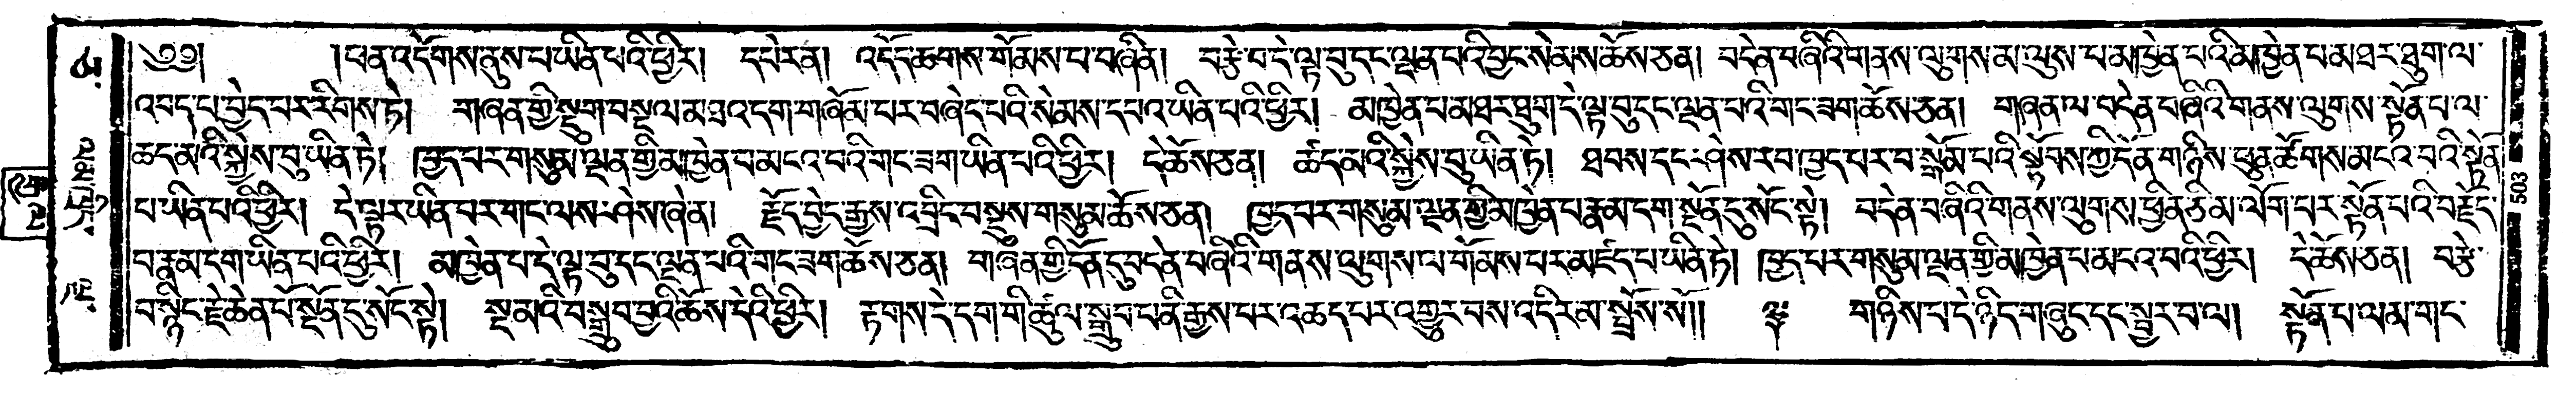༄༅། །ཕན་འདོགས་ནུས་པ་ཡིན་པའི་ཕྱིར། དཔེར་ན། འདོད་ཆགས་གོམས་པ་བཞིན། བརྩེ་བ་དེ་ལྟ་བུ་དང་ལྡན་པའི་བྱང་སེམས་ཆོས་ཅན། བདེན་བཞིའི་གནས་ལུགས་མ་ལུས་པ་མཁྱེན་པའི་མཁྱེན་པ་མཐར་ཐུག་ལ་
འབད་པ་བྱེད་པར་རིགས་ཏེ། གཞན་གྱི་སྡུག་བསྔལ་མཐའ་དག་གཞོམ་པར་བཞེད་པའི་སེམས་དཔའ་ཡིན་པའི་ཕྱིར། མཁྱེན་པ་མཐར་ཐུག་དེ་ལྟ་བུ་དང་ལྡན་པའི་གང་ཟག་ཆོས་ཅན། གཞན་ལ་བདེན་བཞིའི་གནས་ལུགས་སྟོན་པ་ལ་
ཚད་མའི་སྐྱེས་བུ་ཡིན་ཏེ། ཁྱད་པར་གསུམ་ལྡན་གྱི་མཁྱེན་པ་མངའ་བའི་གང་ཟག་ཡིན་པའི་ཕྱིར། དེ་ཆོས་ཅན། ཚད་མའི་སྐྱེས་བུ་ཡིན་ཏེ། ཐབས་དང་ཤེས་རབ་ཁྱད་པར་བ་སྒོམ་པའི་སྟོབས་ཀྱི་དོན་གཉིས་ཕུན་ཚོགས་མངའ་བའི་སྟོན་
པ་ཡིན་པའི་ཕྱིར། དེ་ལྟར་ཡིན་པར་གང་ལས་ཤེས་ཞེ་ན། རྗོད་བྱེད་རྒྱས་འབྲིང་བསྡུས་གསུམ་ཆོས་ཅན། ཁྱད་པར་གསུམ་ལྡན་གྱི་མཁྱེན་པ་རྣམ་དག་སྔོན་དུ་སོང་སྟེ། བདེན་བཞིའི་གནས་ལུགས་ཕྱིན་ཅི་མ་ལོག་པར་སྟོན་པའི་བརྗོད་
པ་རྣམ་དག་ཡིན་པའི་ཕྱིར། མཁྱེན་པ་དེ་ལྟ་བུ་དང་ལྡན་པའི་གང་ཟག་ཆོས་ཅན། གཞན་གྱི་དོན་དུ་བདེན་བཞིའི་གནས་ལུགས་ལ་གོམས་པར་མཛད་པ་ཡིན་ཏེ། ཁྱད་པར་གསུམ་ལྡན་གྱི་མཁྱེན་པ་མངའ་བའི་ཕྱིར། དེ་ཆོས་ཅན། བརྩེ་
བ་སྙིང་རྗེ་ཆེན་པོ་སྔོན་དུ་སོང་སྟེ། སྔ་མའི་བསྒྲུབ་བྱའི་ཆོས་དེའི་ཕྱིར། རྟགས་དེ་དག་གི་ཚུལ་སྒྲུབ་པ་ནི་རྒྱས་པར་འཆད་པར་འགྱུར་བས་འདིར་མ་སྤྲོས་སོ།། ༈ གཉིས་པ་དེ་ཉིད་གཞུང་དང་སྦྱར་བ་ལ། སྟོན་པ་ལམ་གང་